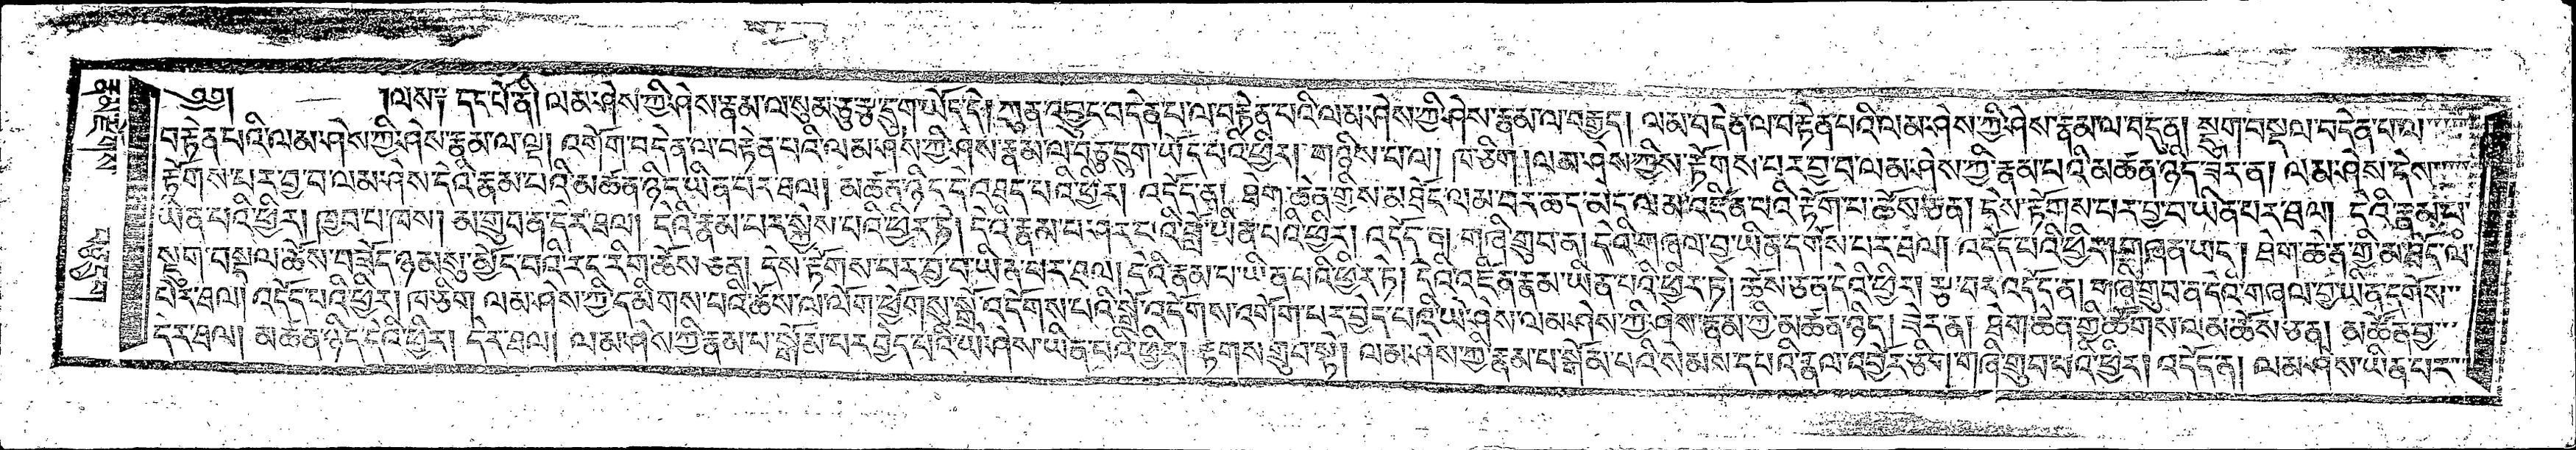༄༅། །ལས༑ དང་པོ་ནི། ལམ་ཤེས་ཀྱི་ཤེས་རྣམ་ལ་སུམ་ཅུ་རྩ་དྲུག་ཡོད་དེ། ཀུན་འབྱུང་བདེན་པ་ལ་བརྟེན་པའི་ལམ་ཤེས་ཀྱི་ཤེས་རྣམ་ལ་བརྒྱད། ལམ་བདེན་ལ་བརྟེན་པའི་ལམ་ཤེས་ཀྱི་ཤེས་རྣམ་ལ་བདུན། སྡུག་བསྔལ་བདེན་པ་ལ་
བརྟེན་པའི་ལམ་ཤེས་ཀྱི་ཤེས་རྣམ་ལ་ལྔ། འགོག་བདེན་ལ་བརྟེན་པའི་ལམ་ཤེས་ཀྱི་ཤེས་རྣམ་ལ་བཅུ་དྲུག་ཡོད་པའི་ཕྱིར། གཉིས་པ་ལ། ཁ་ཅིག །ལམ་ཤེས་ཀྱིས་རྟོགས་པར་བྱ་བ་ལམ་ཤེས་ཀྱི་རྣམ་པའི་མཚན་ཉིད་ཟེར་ན། ལམ་ཤེས་དེས་
རྟོགས་པར་བྱ་བ་ལམ་ཤེས་དེའི་རྣམ་པའི་མཚན་ཉིད་ཡིན་པར་ཐལ། མཚན་ཉིད་དེ་འཐད་པའི་ཕྱིར། འདོད་ན། ཐེག་ཆེན་གྱིས་མཐོང་ལམ་བར་ཆད་མེད་ལམ་འཛིན་པའི་རྟོག་པ་ཆོས་ཅན། དེས་རྟོགས་པར་བྱ་བ་ཡིན་པར་ཐལ། དེའི་རྣམ་པ་
ཡིན་པའི་ཕྱིར། ཁྱབ་པ་ཁས། མ་གྲུབ་ན་དེར་ཐལ། དེའི་རྣམ་པར་སྐྱེས་པའི་ཕྱིར་ཏེ། དེའི་རྣམ་པ་ཤར་པའི་བློ་ཡིན་པའི་ཕྱིར། འདོད་ན། གཞི་གྲུབ་ན། དེའི་གཞལ་བྱ་ཡིན་དགོས་པར་ཐལ། འདོད་པའི་ཕྱིར། གཞན་ཡང་། ཐེག་ཆེན་གྱི་མཐོང་ལམ་
སྡུག་བསྔལ་ཆོས་བཟོད་ཉམས་སུ་མྱོང་བའི་རང་རིག་ཆོས་ཅན། དེས་རྟོགས་པར་བྱ་བ་ཡིན་པར་ཐལ། དེའི་རྣམ་པ་ཡིན་པའི་ཕྱིར་ཏེ། དེའི་འཛིན་རྣམ་ཡིན་པའི་ཕྱིར་ཏེ། ཆོས་ཅན་དེའི་ཕྱིར། རྩ་བར་འདོད་ན། གཞི་གྲུབ་ན་དེའི་གཞལ་བྱ་ཡིན་དགོས་
པར་ཐལ། འདོད་པའི་ཕྱིར། ཁ་ཅིག་ལམ་ཤེས་ཀྱི་དམིགས་པའི་ཆོས་ལ་ལོག་ཕྱོགས་སུ་སྒྲོ་འདོགས་པའི་སྒྲོ་འདོགས་འགོག་པར་བྱེད་པའི་ཡེ་ཤེས་ལམ་ཤེས་ཀྱི་ཤེས་རྣམ་ཀྱི་མཚན་ཉིད། ཟེར་ན། ཐེག་ཆེན་གྱི་ཚོགས་ལམ་ཆོས་ཅན། མཚོན་བྱ་
དེར་ཐལ། མཚན་ཉིད་དེའི་ཕྱིར། དེར་ཐལ། ལམ་ཤེས་ཀྱི་རྣམ་པ་སྒོམ་པར་བྱེད་པའི་ཡེ་ཤེས་ཡིན་པའི་ཕྱིར། རྟགས་གྲུབ་སྟེ། ལམ་ཤེས་ཀྱི་རྣམ་པ་སྒོམ་པའི་སེམས་དཔའི་རྣལ་འབྱོར་ཅིག་གཞི་གྲུབ་པའི་ཕྱིར། འདོད་ན། ལམ་ཤེས་ཡིན་པར་